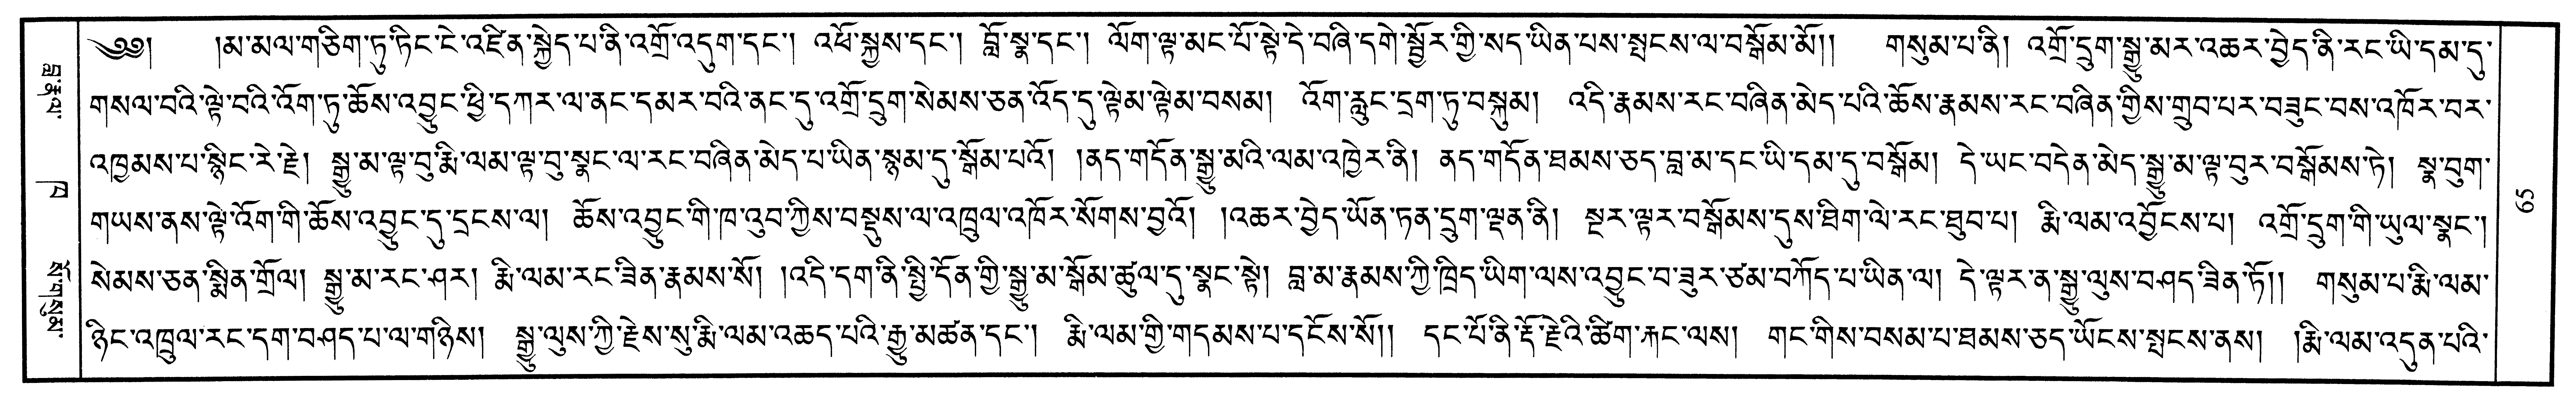༄༅། །མ་མལ་གཅིག་ཏུ་ཏིང་ངེ་འཛིན་སྐྱེད་པ་ནི་འགྲོ་འདུག་དང་། འཕོ་སྐྱས་དང་། བློ་སྣ་དང་། ལོག་ལྟ་མང་པོ་སྟེ་དེ་བཞི་དགེ་སྦྱོར་གྱི་སད་ཡིན་པས་སྤངས་ལ་བསྒོམ་མོ།། གསུམ་པ་ནི། འགྲོ་དྲུག་སྒྱུ་མར་འཆར་བྱེད་ནི་རང་ཡི་དམ་དུ་
གསལ་བའི་ལྟེ་བའི་འོག་ཏུ་ཆོས་འབྱུང་ཕྱི་དཀར་ལ་ནང་དམར་བའི་ནང་དུ་འགྲོ་དྲུག་སེམས་ཅན་འོད་དུ་ལྟེམ་ལྟེམ་བསམ། འོག་རླུང་དྲག་ཏུ་བསྐུམ། འདི་རྣམས་རང་བཞིན་མེད་པའི་ཆོས་རྣམས་རང་བཞིན་གྱིས་གྲུབ་པར་བཟུང་བས་འཁོར་བར་
འཁྱམས་པ་སྙིང་རེ་རྗེ། སྒྱུ་མ་ལྟ་བུ་རྨི་ལམ་ལྟ་བུ་སྣང་ལ་རང་བཞིན་མེད་པ་ཡིན་སྙམ་དུ་སྒོམ་པའོ། །ནད་གདོན་སྒྱུ་མའི་ལམ་འཁྱེར་ནི། ནད་གདོན་ཐམས་ཅད་བླ་མ་དང་ཡི་དམ་དུ་བསྒོམ། དེ་ཡང་བདེན་མེད་སྒྱུ་མ་ལྟ་བུར་བསྒོམས་ཏེ། སྣ་བུག་
གཡས་ནས་ལྟེ་འོག་གི་ཆོས་འབྱུང་དུ་དྲངས་ལ། ཆོས་འབྱུང་གི་ཁ་འུབ་ཀྱིས་བསྡུས་ལ་འཁྲུལ་འཁོར་སོགས་བྱའོ། །འཆར་བྱེད་ཡོན་ཏན་དྲུག་ལྡན་ནི། སྔར་ལྟར་བསྒོམས་དུས་ཐིག་ལེ་རང་ཐུབ་པ། རྨི་ལམ་འབྱོངས་པ། འགྲོ་དྲུག་གི་ཡུལ་སྣང་།
སེམས་ཅན་སྨིན་གྲོལ། སྒྱུ་མ་རང་ཤར། རྨི་ལམ་རང་ཟིན་རྣམས་སོ། །འདི་དག་ནི་སྤྱི་དོན་གྱི་སྒྱུ་མ་སྒོམ་ཚུལ་དུ་སྣང་སྟེ། བླ་མ་རྣམས་ཀྱི་ཁྲིད་ཡིག་ལས་འབྱུང་བ་ཟུར་ཙམ་བཀོད་པ་ཡིན་ལ། དེ་ལྟར་ན་སྒྱུ་ལུས་བཤད་ཟིན་ཏོ།། གསུམ་པ་རྨི་ལམ་
ཉིང་འཁྲུལ་རང་དག་བཤད་པ་ལ་གཉིས། སྒྱུ་ལུས་ཀྱིས་རྗེས་སུ་རྨི་ལམ་འཆད་པའི་རྒྱུ་མཚན་དང་། རྨི་ལམ་གྱི་གདམས་པ་དངོས་སོ།། དང་པོ་ནི་རྡོ་རྗེའི་ཚིག་རྐང་ལས། གང་གིས་བསམ་པ་ཐམས་ཅད་ཡོངས་སྤངས་ནས། །རྨི་ལམ་འདུན་པའི་